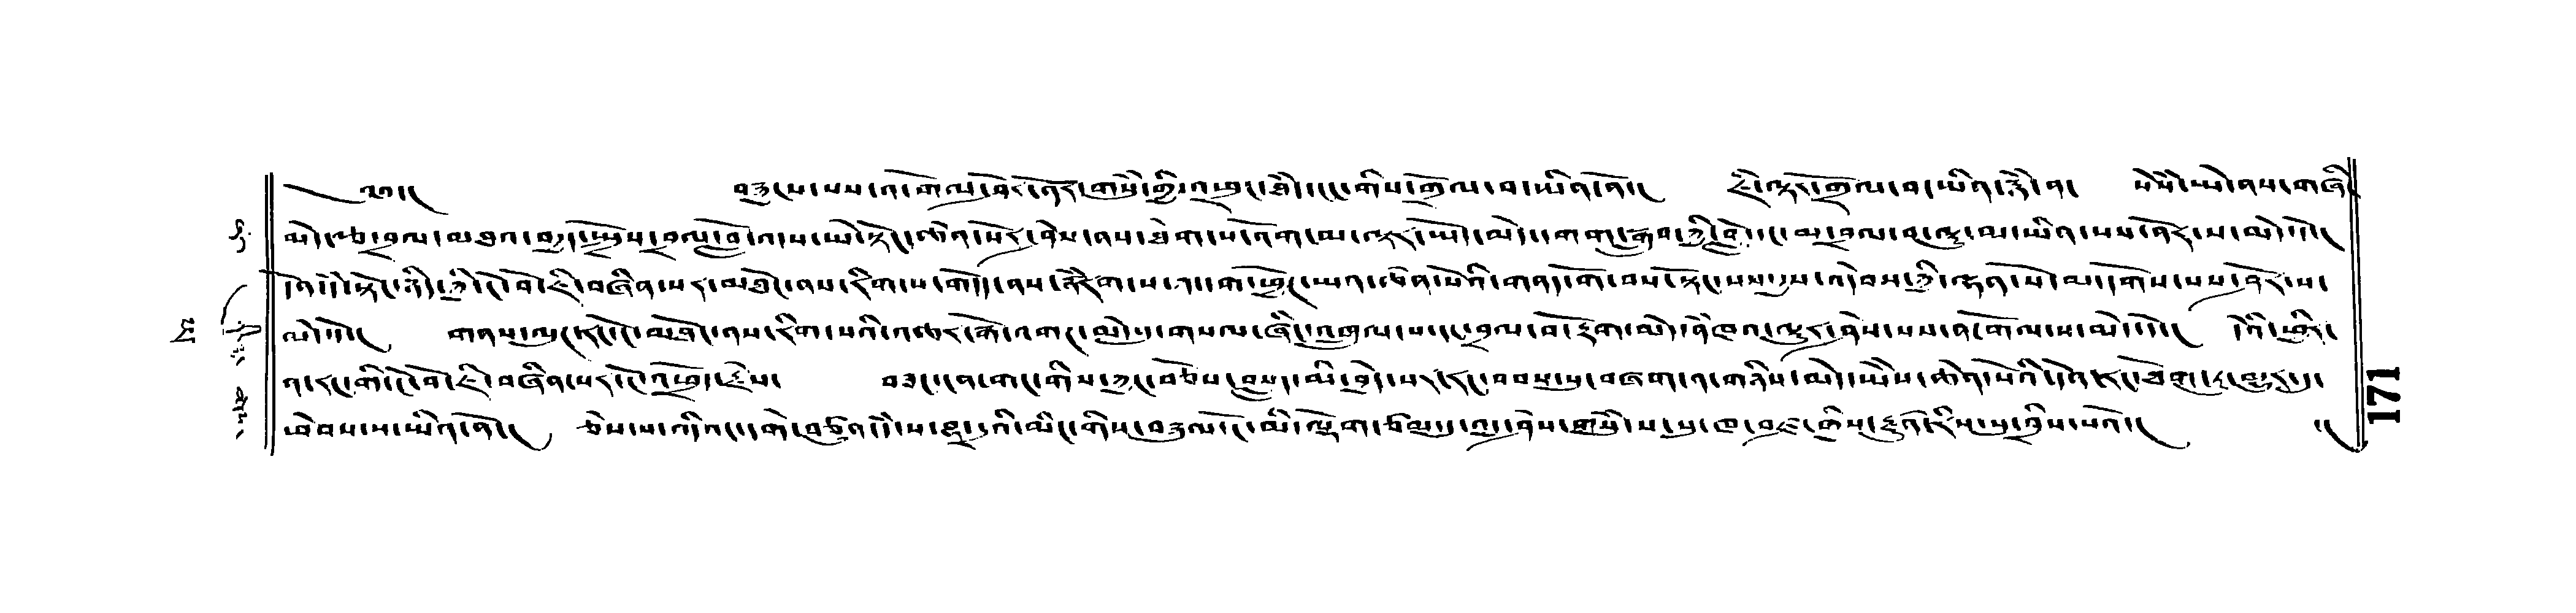བསྐྱངས་པས་ན་གོལ་ཤོར་ནོར་གསུམ་གྱི་འཕྲང་ཐམས་ཅད་ངང་གིས་གྲོལ་བ་ཡིན་ནོ། ཇི་ལྟར་གྲོལ་བ་ཡིན་སྙམ་ན། སེམས་ཡེ་ནས་གཞི་
མེད་རྩ་བྲལ་མཐའ་བརྒྱད་སྤྲོས་བྲལ་བློ་འདས་ཡེ་སྟོང་ཆེན་པོར་ཤེས་ནས་ཐེག་པ་འོག་མ་ལྟར་ཡོད་མེད་དགག་སྒྲུབ་ཀྱི་བློ་དང་མ་བྲལ་བ་ལྟ་བུ་མ་ཡིན་པས་ནོར་པ་མེད་དོ། 
དོན་དམ་སྟོང་ཉིད་ཀྱི་ངོ་བོ་ཇི་བཞིན་པར་མཐོང་ནས་རིག་པ་གདོད་ནས་རྣམ་པར་དག་པ་ཀ་དག་ཕྱོགས་ཡན་ཆེན་པོའི་གནད་གོ་བས་སྟོང་པས་རྒྱས་འདེབས་ཀྱི་ལྷན་པ་མ་དགོས་པས་ཤོར་ས་
མེད་དོ།གནས་ལུགས་རང་ངོ་མཐོང་ནས་རིག་པའི་འཆར་སྒོ་འགགས་མེད་དུ་གསལ་ཞིང་འཁྲུལ་པ་དང་བྲལ་བ་རྟོག་མེད་ནམ་མཁའ་ལྟ་བུར་ཤེས་པས་ན་གོལ་ས་མེད་དོ། དེའི་ཕྱིར་
ན་རང་གི་ངོ་བོ་ཇི་བཞིན་པར་ངོ་འཕྲོད་རྗེས། བཟང་ངན་གང་གིས་ཀྱང་བཅོས་བསླད་མི་བྱེད་པར་རང་བབས་སུ་བཞག་ན་གཉིས་མེད་ཡེ་ཤེས་ཆེན་པོའི་དོན་རང་ཐོག་ཏུ་མྱུར་ཏུ་
ཕེབས་པ་ཡིན་ནོ། ཅེས་པ་འདིའང་དགེ་བཙུན་དམ་པ་བྷ་དྲའི་མིང་གིས་བསྐུལ་ངོ་མ་ལྡོག་ཙམ་དུ་འདུ་ཤེས་གསུམ་པ་སུ་ཁ་བཛྲ་གྱིས་རྫུན་རིས་སུ་བྲིས་པའོ།།